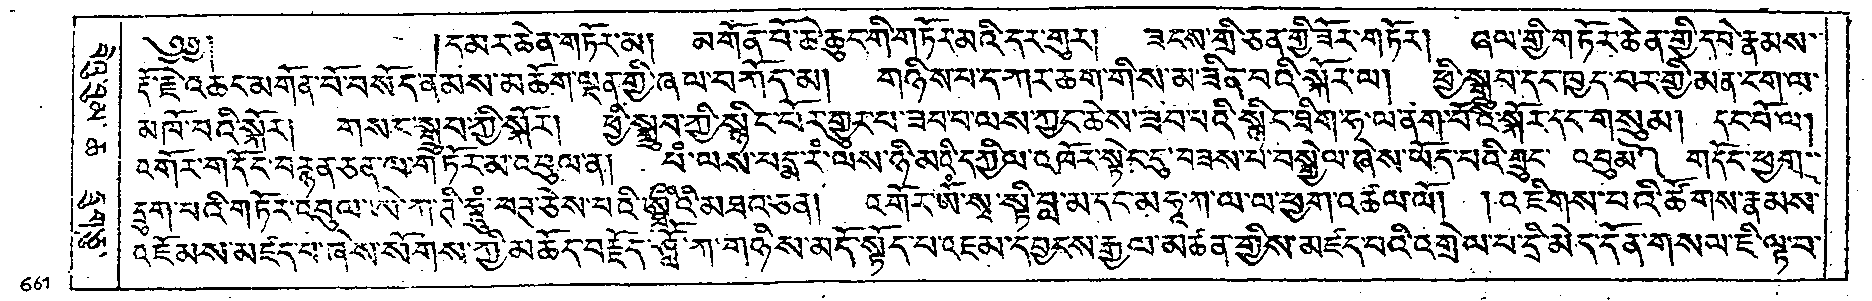༄༅། །དམར་ཆེན་གཏོར་མ། མགོན་པོ་ཆེ་ཆུང་གི་གཏོར་མའི་དར་གུར། ཟངས་གྲི་ཅན་གྱི་ཟོར་གཏོར། ཞལ་གྱི་གཏོར་ཆེན་གྱི་དཔེ་རྣམས་
རྡོ་རྗེ་འཆང་མགོན་པོ་བསོད་ནམས་མཆོག་ལྡན་གྱི་ཞལ་བཀོད་མ། གཉིས་པ་དཀར་ཆག་གིས་མ་ཟིན་པའི་སྐོར་ལ། ཕྱི་སྒྲུབ་དང་ཁྱད་པར་གྱི་མན་ངག་ལ་
མཁོ་བའི་སྐོར། གསང་སྒྲུབ་ཀྱི་སྐོར། ཕྱི་སྒྲུབ་ཀྱི་སྙིང་པོར་གྱུར་པ་ཟབ་པ་ལས་ཀྱང་ཆེས་ཟབ་པའི་སྙིང་ཐིག་ཧ་ལ་ནག་པོའི་སྐོར་དང་གསུམ། དང་པོ་ལ།
འགོར་གདོང་བརྙན་ཅན་ལ་གཏོར་མ་འབུལ་ན། པཾ་ལས་པདམ་རཾ་ལས་ཉི་མའི་དཀྱིལ་འཁོར་སྟེང་དུ་བཟས་པ་བསྒྱེལ་ཞེས་ཡོད་པའི་གྲུང་འབུམ྄་གདོང་ཕྱག་
དྲུག་པའི་གཏོར་འབུལ་ཨེ་ཀ་ཊི་ཧཱུཾ་ཕཊ་ཅེས་པའི་ཨྀཐིའི་མཐའ་ཅན། འགོར་ཨོཾ་སྭ་སྟི་བླ་མ་དང་མཧཱ་ཀ་ལ་ལ་ཕྱག་འཚལ་ལོ། །འཇིགས་པའི་ཚོགས་རྣམས་
འཇོམས་མཛད་པ་ཞེས་སོགས་ཀྱི་མཆོད་བརྗོད་ཤླཽ་ཀ་གཉིས་མདོ་སྟོད་པ་འཇམ་དབྱངས་རྒྱལ་མཚན་གྱིས་མཛད་པའི་འགྲེལ་པ་དྲི་མེད་དོན་གསལ་ཇི་ལྟ་བ་